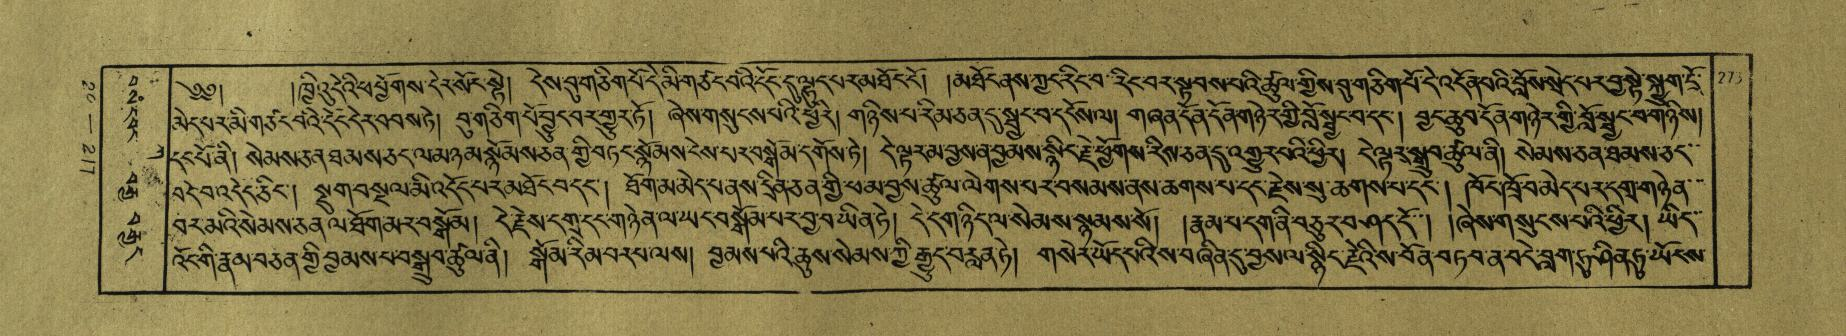༄༅། །ཁྱིའུ་དེའི་ཕ་ཕྱོགས་དེར་སོང་སྟེ། དེས་བུ་གཅིག་པོ་དེ་མི་གཙང་བའི་དོང་དུ་ལྷུང་པར་མཐོང་ངོ། །མཐོང་ནས་ཀྱང་རིང་བ་རིང་བར་སྟབས་པའི་ཚུལ་གྱིས་བུ་གཅིག་པོ་དེ་འདོན་པའི་བློས་སྲེད་པར་བྱ་སྟེ་སྐྱུག་དྲོ་
མེད་པར་མི་གཙང་བའི་དོང་དེར་བབས་ཏེ། བུ་གཅིག་པོ་བྱུང་བར་གྱུར་ཏོ། ཞེས་གསུངས་པའི་ཕྱིར། གཉིས་པ་རིམ་ཅན་དུ་སྦྱང་བ་དངོས་ལ། གཞན་དོན་དོན་གཉེར་གྱི་བློ་སྦྱང་བ་དང་། བྱང་ཆུབ་དོན་གཉེར་གྱི་བློ་སྦྱང་བ་གཉིས།
དང་པོ་ནི། སེམས་ཅན་ཐམས་ཅད་ལ་མཉམ་སྙོམས་ཅན་གྱི་བཏང་སྙོམས་ངེས་པར་བསྒོམ་དགོས་ཏེ། དེ་ལྟར་མ་བྱས་ན་བྱམས་སྙིང་རྗེ་ཕྱོགས་རིས་ཅན་དུ་འགྱུར་པའི་ཕྱིར། དེ་ལྟར་སྒྲུབ་ཚུལ་ནི། སེམས་ཅན་ཐམས་ཅད་
བདེ་བ་འདོད་ཅིང་། སྡུག་བསྔལ་མི་འདོད་པར་མཐོང་བ་དང་། ཐོག་མ་མེད་པ་ནས་དྲིན་ཅན་གྱི་ཕ་མ་བྱས་ཚུལ་ལེགས་པར་བསམས་ནས་ཆགས་པ་དང་རྗེས་སུ་ཆགས་པ་དང་། ཁོང་ཁྲོ་བ་མེད་པར་དགྲ་གཉེན་
བར་མའི་སེམས་ཅན་ལ་ཐོག་མར་བསྒོམ། དེ་རྗེས་དགྲ་དང་གཉེན་ལ་ཡང་བསྒོམ་པར་བྱ་བ་ཡིན་ཏེ། དེ་དག་ཉིད་ལ་སེམས་སྙམས་སོ། །རྣམ་པ་དག་ནི་བཅུར་བཤད་དོ། །ཞེས་གསུངས་པའི་ཕྱིར། ཡིད་
འོང་གི་རྣམ་བ་ཅན་གྱི་བྱམས་པ་བསྒྲུབ་ཚུལ་ནི། སྒོམ་རིམ་པར་པ་ལས། བྱམས་པའི་ཆུས་སེམས་ཀྱི་རྒྱུད་བརླན་ཏེ། གསེར་ཡོད་པའི་ས་བཞིན་དུ་བྱས་ལ་སྙིང་རྗེའི་ས་བོན་བཏབ་ན་བདེ་བླག་ཏུ་ཤིན་ཏུ་ཡོངས་